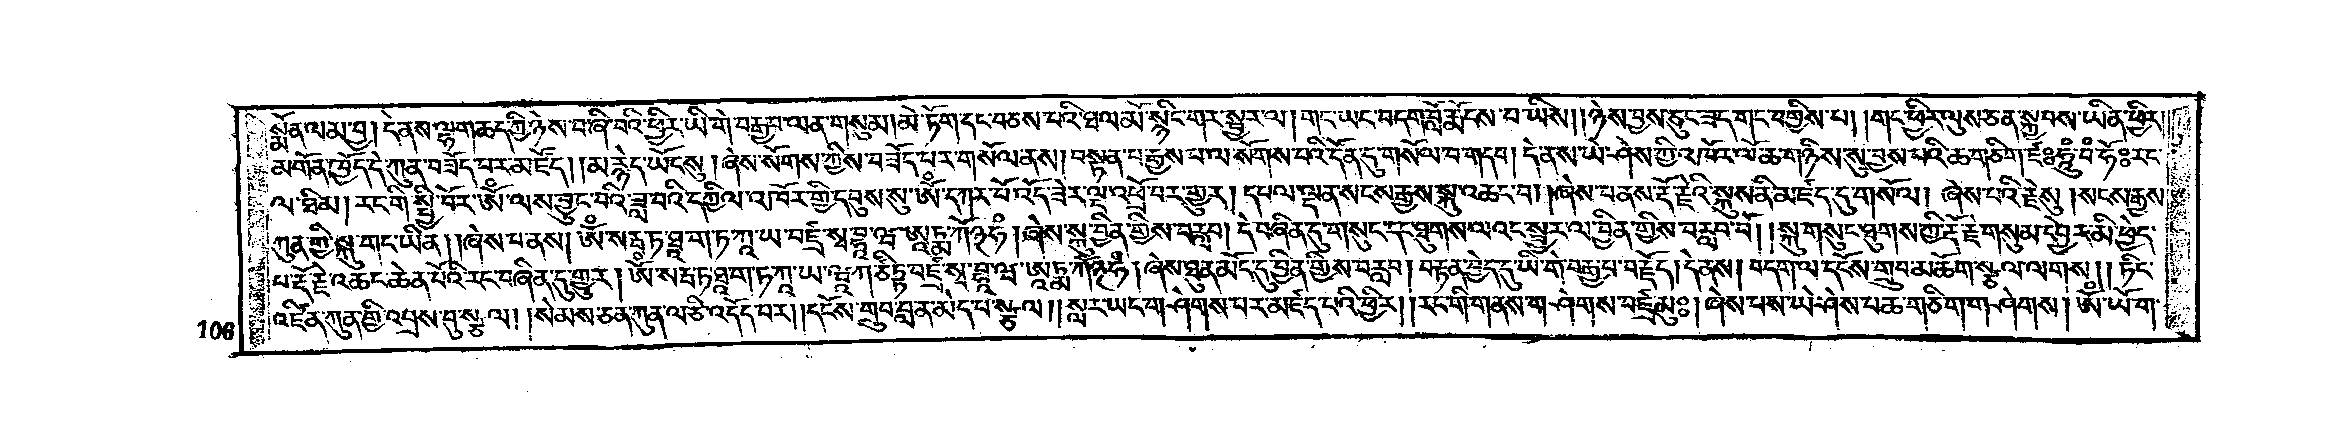སྨོན་ལམ་བྱ། དེ་ནས་ལྷག་ཆད་ཀྱི་ཉེས་བ་ཞི་བའི་ཕྱིར་ཡི་གེ་བརྒྱབ་ལན་གསུམ། མེ་ཏོག་དང་བཅས་པའི་ཐལ་མོ་སྙིང་གར་སྦྱར་ལ། གང་ཡང་བདག་བློ་རྨོངས་པ་ཡིས། །ཉེས་བྱས་ཅུང་ཟད་གང་བགྱིས་པ། །གང་ཕྱིར་ལུས་ཅན་སྐྱབས་ཡིན་ཕྱིར། །
མགོན་ཁྱོད་དེ་ཀུན་བཟོད་པར་མཛོད། །མ་རྙེད་ཡོངས་སུ། ཞེས་སོགས་ཀྱིས་བཟོད་པར་གསོལ་ནས། བསྟན་པ་རྒྱས་པ་ལ་སོགས་པའི་དོན་དུ་གསོལ་བ་གདབ། དེ་ནས་ཡེ་ཤེས་ཀྱི་འཁོར་ལོ་ཆ་གཉིས་སུ་བྱས་པའི་ཆ་གཅིག་ཛཿ ཧཱུཾ་བཾ་ཧོཿ རང་
ལ་ཐིཾ། རང་གི་སྤྱི་བོར་ཨོཾ་ལས་བྱུང་བའི་ཟླ་བའི་དཀྱིལ་འཁོར་གྱི་དབུས་སུ་ཨོཾ་དཀར་པོ་འོད་ཟེར་ལྔ་འཕྲོ་བར་གྱུར། དཔལ་ལྡན་སངས་རྒྱས་སྐུ་འཆང་བ། །ཞེས་པ་ནས་རྡོ་རྗེའི་སྐུས་ནི་མཛད་དུ་གསོལ། ཞེས་པའི་རྗེས་སུ། སངས་རྒྱས་
ཀུན་གྱི་སྐུ་གང་ཡིན། །ཞེས་པ་ནས། ཨོཾ་སརྦ་ཏ་ཐཱ་ག་ཏ་ཀཱ་ཡ་བཛྲ་སྭ་བྷཱ་ཝ་ཨཱཏྨ་ཀོཉཧཾ། ཞེས་སྐུ་བྱིན་གྱིས་བརླབ། དེ་བཞིན་དུ་གསུང་དང་ཐུགས་ལའང་སྦྱར་ལ་བྱིན་གྱིས་བརླབ་བོ། །སྐུ་གསུང་ཐུགས་ཀྱི་རྡོ་རྗེ་གསུམ་དབྱེར་མི་ཕྱེད་
པ་རྡོ་རྗེ་འཆང་ཆེན་པོའི་རང་བཞིན་དུ་གྱུར། ཨོཾ་སརྦ་ཏ་ཐཱ་ག་ཏ་ཀཱ་ཡ་ཝཱ་ཀ་རྩིཏྟ་བཛྲ་སྭ་བྷཱ་ཝ་ཨཱཏྨ་ཀོཉཧཾ། ཞེས་ཐུན་མོང་དུ་བྱིན་གྱིས་བརླབ། བརྟན་བྱེད་དུ་ཡི་གེ་བརྒྱ་པ་བརྗོད། དེ་ནས། བདག་ལ་དངོས་གྲུབ་མཆོག་སྩལ་ལགས། །ཏིང་
འཛིན་ཀུན་གྱི་འབྲས་བུ་སྩལ། །སེམས་ཅན་ཀུན་ལ་ཅི་འདོད་པར། །དངོས་གྲུབ་བླ་ན་མེད་པ་སྩལ། །སླར་ཡང་གཤེགས་པར་མཛད་པའི་ཕྱིར། །རང་གི་གནས་གཤེགས་བཛྲ་མུཿ། ཞེས་པས་ཡེ་ཤེས་པ་ཆ་གཅིག་གཤེགས། ཨོཾ་ཡོ་ག་